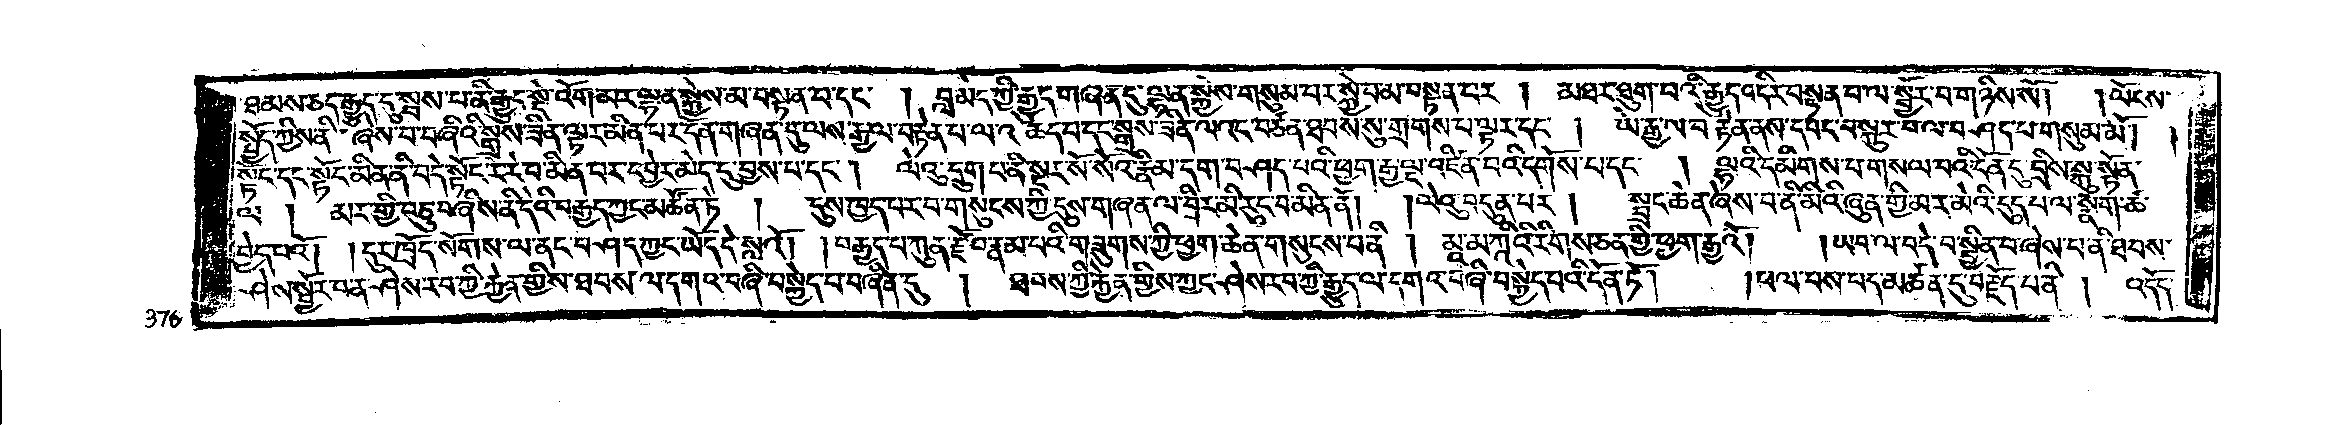ཐམས་ཅད་རྒྱུད་དུ་སྦས་པ་ནི་རྒྱུད་སྡེ་འོག་མར་ལྷན་སྐྱེས་མ་བསྟན་པ་དང་། བླ་མེད་ཀྱི་རྒྱུད་གཞན་དུ་ལྷན་སྐྱེས་གསུམ་པར་སྐྱེ་བ་མ་བསྟན་པར། མཐར་ཐུག་པའི་རྒྱུད་འདིར་བསྟན་པ་ལ་སྦྱོར་བ་གཉིས་སོ། །ལོངས་
སྤྱོད་ཀྱིས་ནི་ཞེས་པ་བཞིའི་སྒྲས་ཟིན་ལྟར་མིན་པར་དོན་གཞན་དུ་ལས་རྒྱལ་བརྟེན་པ་ལ་འཆད་པ་དང་སྒྲས་ཟིན་ལའང་བཙན་ཐབས་སུ་གྲགས་པ་ལྟར་དང་། ཡེ་རྒྱལ་བ་རྟེན་ནས་དབང་བསྐུར་བ་ལ་བཤད་པ་གསུམ་མོ། །
སྟོང་དང་སྟོང་མིན་ནི་བདེ་སྟོང་ར་རེ་བ་མིན་པར་དབྱེར་མེད་དུ་བྱས་པ་དང་། ལེའུ་དྲུག་པ་ནི་སྔར་སོ་སོའི་རྣམ་དག་བཤད་པའི་ཕྱག་རྒྱ་ལྔ་འཛིན་པའི་དགོས་པ་དང་། ལྷའི་དམིགས་པ་གསལ་བའི་དོན་དུ་བྲིས་སྐུ་སྟོན་
ལ། མར་གྱི་བཅུ་བཞིས་ནི་དེའི་བརྒྱད་ཀྱང་མཚོན་ཏེ། དུས་ཁྱད་པར་བ་གསུངས་ཀྱི་དུས་གཞན་ལ་བྲིར་མི་རུང་བ་མིན་ནོ། །ལེའུ་བདུན་པར། སྦྲང་ཆེན་ཞེས་པ་ནི་མིའི་ཞུན་གྱི་མར་མེའི་དུད་པ་ལ་སྣ་ཚ་
བྱེད་པའོ། །དུར་ཁྲོད་སོགས་ལ་ནང་བཤད་ཀྱང་ཡོད་དེ་སླའོ། །བརྒྱད་པ་ཀུན་རྫོབ་རྣམ་པའི་གཟུགས་ཀྱི་ཕྱག་ཆེན་གསུངས་པ་ནི། མཱ་མ་ཀཱིའི་རིགས་ཅན་གྱི་ཕྱག་རྒྱའོ། །ཡབ་ལ་བདེ་བ་སྦྱིན་བ་ཞེས་པ་ནི་ཐབས་
ཤེས་སྦྱོར་བ་ན་ཤེས་རབ་ཀྱི་རྐྱེན་གྱིས་ཐབས་ལ་དགའ་བཞི་བསྐྱེད་པ་བཞིན་དུ། ཐབས་ཀྱི་རྐྱེན་གྱིས་ཀྱང་ཤེས་རབ་ཀྱི་རྒྱུད་ལ་དགའ་བཞི་བསྐྱེད་པའི་དོན་ཏོ། །ཕལ་པས་པད་མཚན་དུ་བརྗོད་པ་ནི། འདོད་